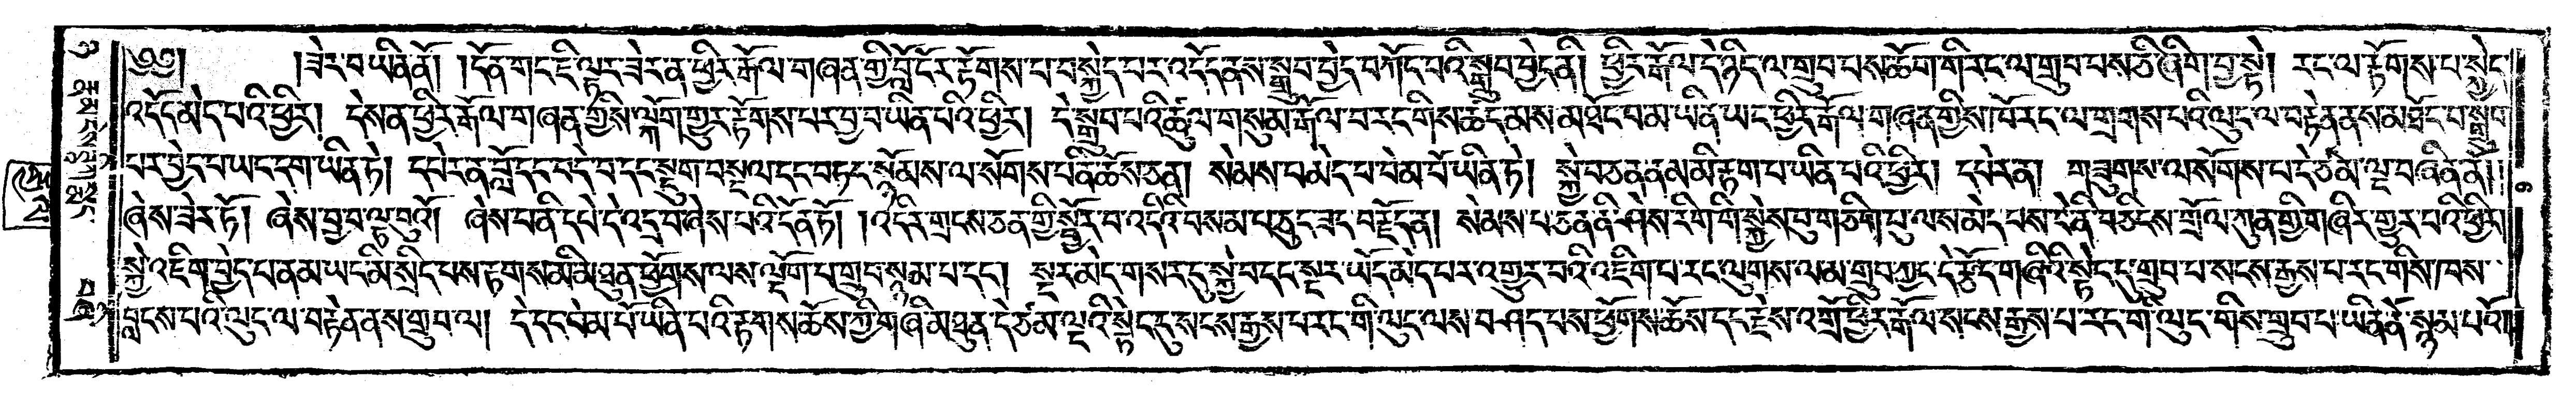༄༅། །ཟེར་བ་ཡིན་ནོ། །དོན་གང་ཇི་ལྟར་ཟེར་ན་ཕྱིར་རྒོལ་གཞན་གྱི་བློ་དོར་རྟོགས་པ་བསྐྱེད་པར་འདོད་ནས་སྒྲུབ་བྱེད་བཀོད་བའི་སྒྲུབ་བྱེད་ནི། ཕྱིར་རྒོལ་དེ་ཉིད་ལ་གྲུབ་པས་ཆོག་གི་རང་ལ་གྲུབ་པས་ཅི་ཞིག་བྱ་སྟེ། རང་ལ་རྟོགས་པ་སྐྱེད་
འདོད་མེད་པའི་ཕྱིར། དེས་ན་ཕྱིར་རྒོལ་གཞན་གྱིས་ལྐོག་གྱུར་རྟོགས་པར་བྱ་བ་ཡིན་པའི་ཕྱིར། དེ་སྒྲུབ་པའི་ཚུལ་གསུམ་རྒོལ་བ་རང་གིས་ཚད་མས་མཐོང་བ་མ་ཡིན་ཡང་ཕྱིར་རྒོལ་གཞན་གྱིས་ཁོ་རང་ལ་གྲགས་པའི་ལུང་ལ་བརྟེན་ནས་མཐོང་བ་སྒྲུབ་
པར་བྱེད་བ་ཡང་དག་ཡིན་ཏེ། དཔེར་ན་བློ་དང་བདེ་བ་དང་སྡུག་བསྔལ་དང་བཏང་སྙོམས་ལ་སོགས་པ་ནི་ཆོས་ཅན། སེམས་བ་མེད་བ་བེམ་པོ་ཡིན་ཏེ། སྐྱེ་བ་ཅན་ནམ་མི་རྟག་པ་ཡིན་པའི་ཕྱིར། དཔེར་ན། གཟུགས་ལ་སོགས་པ་དེ་ཙམ་ལྔ་བཞིན་ནོ།།
ཞེས་ཟེར་ཏོ། ཞེས་བྱ་བ་ལྟ་བུའོ། །ཞེས་པ་ནི་དཔེ་དེ་འདྲ་བ་ཞེས་པའི་དོན་ཏོ། །འདིར་གྲངས་ཅན་གྱི་སྦྱོར་བ་འདིའི་བསམ་པ་ཅུང་ཟད་བརྗོད་ན། སེམས་པ་ཅན་ནི་ཤེས་རིག་གི་སྐྱེས་བུ་གཅིག་པུ་ལས་མེད་པས་ངེ་ནི་བཅིངས་གྲོལ་ཀུན་གྱི་གཞིར་གྱུར་པའི་ཕྱིར།
སྐྱེ་འཇིག་བྱེད་པ་ནམ་ཡང་མི་སྲིད་པས་རྟགས་མི་མཐུན་ཕྱོགས་ལས་ལྡོག་པ་གྲུབ་སྙམ་པ་དང་། སྔར་མེད་གསར་དུ་སྐྱེ་བ་དང་སྔར་ཡོད་མེད་པར་འགྱུར་བའི་འཇིག་པ་རང་ལུགས་ལ་མ་གྲུབ་ཀྱང་དེ་རྩོད་གཞིའི་སྟེང་དུ་གྲུབ་པ་སངས་རྒྱས་པ་རང་གིས་ཁས་
བླངས་པའི་ལུང་ལ་བརྟེན་ནས་གྲུབ་ལ། དེ་དང་བེམ་པོ་ཡིན་པའི་རྟགས་ཆོས་ཀྱི་གཞི་མཐུན་དེ་ཙམ་ལྔའི་སྟེང་དུ་སངས་རྒྱས་པ་རང་གི་ལུང་ལས་བཤད་པས་ཕྱོགས་ཆོས་དང་རྗེས་འགྲོ་ཕྱིར་རྒོལ་སངས་རྒྱས་པ་རང་གི་ལུང་གིས་གྲུབ་པ་ཡིན་ནོ་སྙམ་པའོ།།